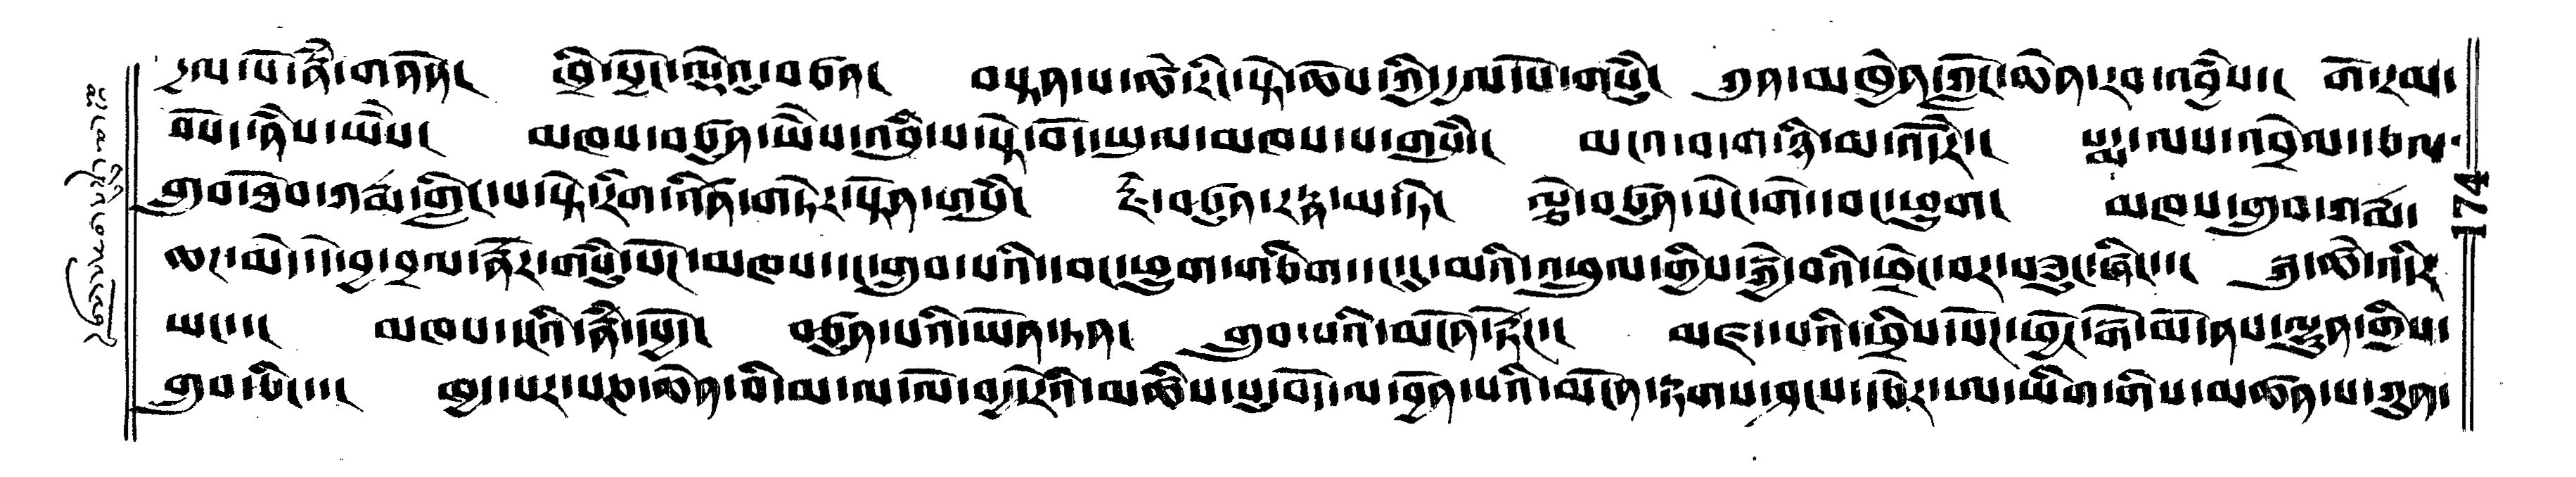རྒྱལ་པོ་རྣམ་གནོན།་ཁྲི་སྲོང་ལྡེའུ་བཙན། བསྟན་པ་ཚེ་རིང་སྟེ་ཆོས་ཀྱི་རྒྱལ་པོ་གསུམ། ཀུན་མཁྱེན་ཀློང་ཆེན་རབ་འབྱམས། གོ་རམས་
བསོད་ནམས་ཡེ་ཤེས། མཁས་བཙུན་ཡེ་ཤེས་འབུམ་པ་སྟེ་བོད་ཡུལ་མཁས་པ་གསུམ། མངའ་བདག་ཉི་མ་འོད་ཟེར། པདྨ་ལས་འབྲེལ་རྩལ། 
གྲུབ་ཐོབ་ཀརྨ་གླིང་པ་སྟེ་རིག་འཛིན་གཏེར་སྟོན་གསུམ། རྗེ་བཙུན་རཏྣ་ཡ་ཏི། ལྕེ་བཙུན་སེང་གེ་དབང་ཕྱུག མཁས་གྲུབ་ཀརྨ་
ཆགས་མེད་དེ་བྱ་བྲལ་རྣལ་འབྱོར་གསུམ་སོགས་མཁས་དང་གྲུབ་པའི་དབང་ཕྱུག་གཅིག་དང་དུ་མའི་འཕྲུལ་གྱིས་སྐྱེ་བའི་ཕྲེང་བར་བཟུང་ཞིང་།སྐུ་ཚེ་འདིར་
ཡང་མཁས་པའི་རྣམ་དཔྱོད་བཙུན་པའི་ཡོན་ཏན་གྲུབ་པའི་མངོན་རྟོགས། མཛད་པའི་ཕྲིན་ལས་སོགས་ཕྱོགས་ཡོངས་ནས་ལྷུན་གྱིས་
གྲུབ་ཅིང་། ཁྱད་པར་པན་ཆེན་བི་མ་ལ་ལོ་རྒྱ་རེའི་མཚམས་སུ་བོད་ལ་བྱོན་པའི་མངོན་རྟགས་ཤངས་རྩེར་ཨ་ཡིག་གིས་མཚན་པ་ཀུན་